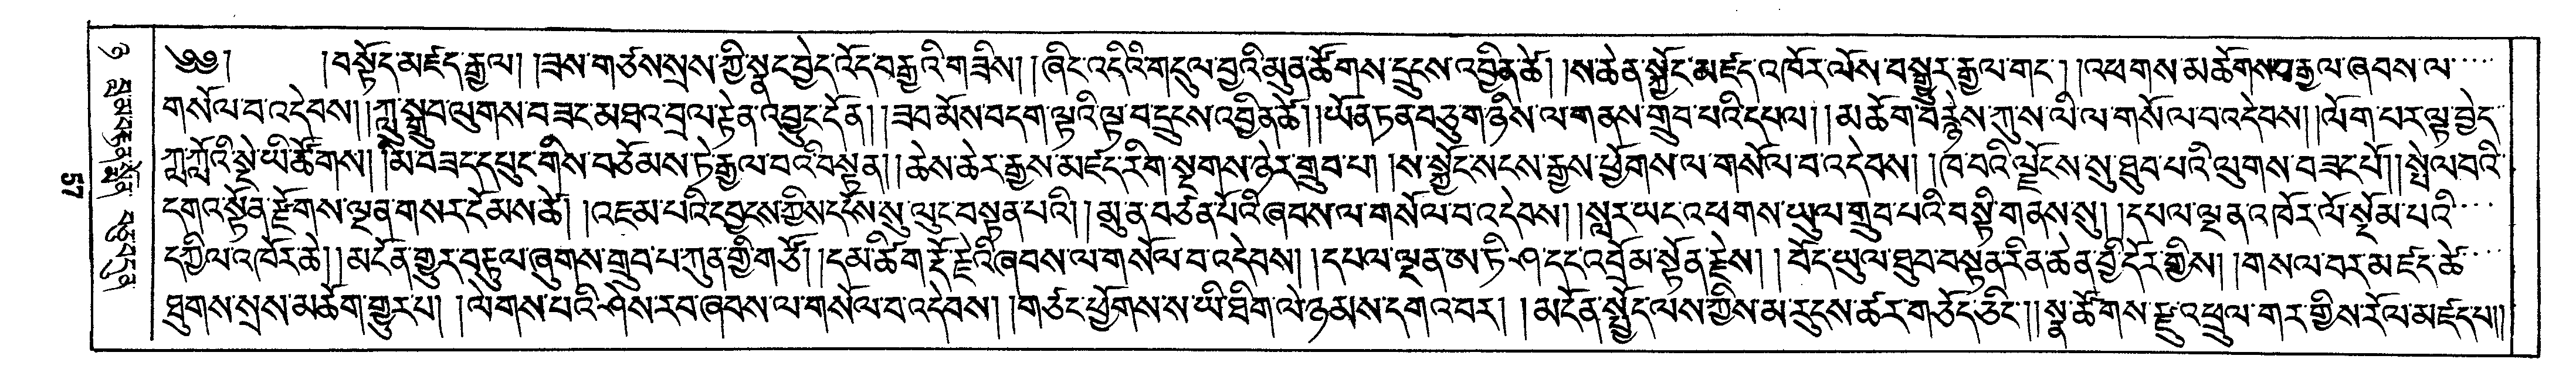༄༅། །བསྟོད་མཛེད་རྒྱལ། །ཟས་གཙང་སྲས་ཀྱི་སྣང་བྱེད་འོད་བརྒྱའི་གཟིས། །ཞིང་འདིའི་གདུལ་བྱའི་མུན་ཚོགས་དྲུངས་འབྱིན་ཚེ། །ས་ཆེན་སྒྱོང་མཛད་འཁོར་ལོས་བསྒྱུར་གྱལ་གང་། །འཕགས་མཆོག་སལ་རྒྱལ་ཞབས་ལ་
གསོལ་བ་འདེབས། །ཀླུ་སྒྲུབ་ལུགས་བཟང་མཐའ་བྲལ་རྟེན་འབྱུང་དོན། །ཟབ་མོས་བདག་ལྟའི་ལྟ་བ་དྲུངས་འབྱིན་ཚེ། །ཡོན་ཏན་བཅུ་གཉིས་ལ་གནས་གྲུབ་བའི་དཔལ། །མཆོག་བརྙེས་ཀུ་ས་ལི་ལ་གསོལ་བ་འདེབས། །ལོག་པར་ལྟ་བྱེད་
ཀླ་ཀློའི་སྡེ་ཡི་ཚོགས། །མ་བཟད་དཔུང་གིས་བཅོམས་ཏེ་རྒྱལ་བའི་བསྟན། །ཆེས་ཆེར་རྒྱས་མཛད་རིག་སྔགས་ཉེར་གྲུབ་པ། །ས་སྐྱོང་སངས་རྒྱས་ཕྱོགས་ལ་གསོལ་བ་འདེབས། །ཁ་བའི་ལྗོངས་སུ་ཐུབ་པའི་ལུགས་བཟང་པོ། །སྤེལ་བའི་
དགའ་སྟོན་རྫོགས་ལྡན་གསར་ངོམས་ཚེ། །འཇམ་པའི་དབྱངས་ཀྱིས་དངོས་སུ་ལུང་བསྟན་པའི། །མུ་ནི་བཙན་བོའི་ཞབས་ལ་གསོལ་བ་འདེབས། །སླར་ཡང་འཕགས་ཡུལ་གྲུབ་པའི་བསྟི་གནས་སུ། །དཔལ་ལྡན་འཁོར་ལོ་སྡོམ་པའི་
དཀྱིལ་འཁོར་ཆེ། །མངོན་གྱུར་བརྟུལ་ཞུགས་གྲུབ་པ་ཀུན་གྱི་གཙོ། །དམ་ཚིག་རྡོ་རྗེའི་ཞབས་ལ་གསོལ་བ་འདེབས། །དཔལ་ལྡན་ཨ་ཏི་ཤ་དང་འབྲོམ་སྟོན་རྗེས། །བོད་ཡུལ་ཐུབ་བསྟན་རིན་ཆེན་བྱི་དོར་གྱིས། །གསལ་བར་མཛད་ཚེ་
ཐུགས་སྲས་མཆོག་གྱུར་པ། །ལེགས་བའི་ཤེས་རབ་ཞབས་ལ་གསོལ་བ་འདེབས། །གཙང་ཕྱོགས་ས་ཡི་ཐིག་ལེ་ཉམས་དགའ་བར། །མངོན་སྤྱོད་ལས་ཀྱིས་མ་རུངས་ཚར་གཅོད་ཅིང་། །སྣ་ཚོགས་རྫུ་འཕྲུལ་གར་གྱིས་རོལ་མཛད་བ།